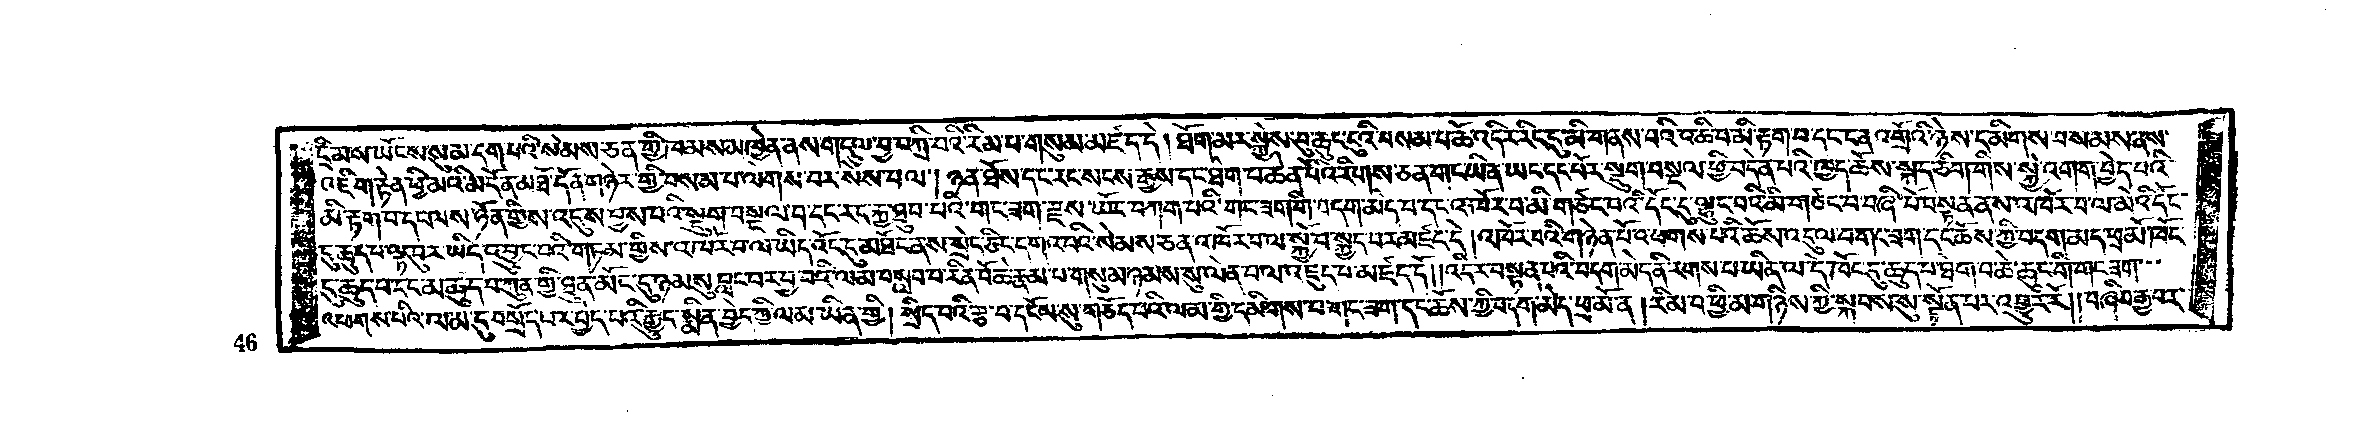དྲི་མས་ཡོངས་སུ་མ་དག་པའི་སེམས་ཅན་གྱི་ཁམས་མཁྱེན་ནས་གདུལ་བྱ་བཀྲི་བའི་རིམ་པ་གསུམ་མཛད་དེ། ཐོག་མར་སྐྱེས་བུ་ཆུང་ངུའི་བསམ་པ་ཆོ་འདིར་རིང་དུ་མི་གནས་པའི་འཆི་བ་མི་རྟག་པ་དང་ངན་འགྲོའི་ཉེས་དམིགས་བསམས་ནས་
འཇིག་རྟེན་ཕྱི་མའི་མདོ་ན་མཐོ་དོན་གཉེར་གྱི་བསམ་པ་ལེགས་པར་སེས་པ་ལ?། ཉན་ཐོས་དང་རང་སངས་རྒྱས་དང་ཐེག་པ་ཆེན་པོའི་རིགས་ཅན་གང་ཡིན་ཡང་དང་པོར་སྡུག་བསྔལ་ཕྱི་བདེན་པའི་ཁྱད་ཆོས་སྐད་ཅིག་གིས་སྐྱེ་འགག་བྱེད་པའི་
མི་རྟག་པ་དང་ལས་ཉོན་གྱིས་འདུས་བྱས་པའི་སྡུག་བསྔལ་བ་དང་རང་རྐྱ་ཐུབ་པའི་གང་ཟག་རྫས་ཡོང་བཀག་པའི་གང་ཟག་གི་བདག་མེད་པ་དང་འཁོར་བ་མི་གཙང་བའི་དོང་དུ་ལྷུང་བའི་མི་གཙང་བ་བཞི་པོ་བསྟན་ནས་འཁོར་བ་ལ་མེའི་དོང་
དུ་ཆུད་པ་ལྟ་བུར་ཡིད་འབྱུང་བའི་གཏམ་གྱིས་འཁོར་བ་ལ་ཡིད་འོང་དུ་མཐོང་ནས་སྲེད་ཅིང་དགའ་བའི་སེམས་ཅན་འཁོར་བ་ལ་སྐྱོ་བ་སྐྱེད་པར་མཛད་དེ། འཁོར་བའི་གཉེན་པོ་འཕགས་པའི་ཆོས་འདུལ་བ་གང་ཟག་དང་ཆོས་ཀྱི་བདག་མེད་ཕྲ་མོ་ཁོང་
དུ་ཆུད་པ་དང་མ་ཆུད་པ་ཀུན་གྱི་ཐུན་མོང་དུ་ཉམས་སུ་བླང་བར་བྱ་བའི་ལམ་བསླབ་པ་རིན་པོ་ཆེ་རྣམ་པ་གསུམ་ཉམས་སུ་ལེན་པ་ལ་འཛུད་པ་མཛད་དོ། །འདིར་བསྟན་པའི་བདག་མེད་ནི་རགས་པ་ཡིན་ལ་དེ་ཁོང་དུ་ཆུད་པ་ཐེག་པ་ཆེ་ཆུང་གི་གང་ཟག་
འཕགས་པའི་ལམ་དུ་བགྲོད་པར་བྱེད་པའི་རྒྱུད་སྨིན་བྱེད་ཀྱི་ལམ་ཡིན་གྱི། སྲིད་པའི་རྩ་བ་དངོས་སུ་གཅོད་པའི་ལམ་གྱི་དམིགས་པ་གང་ཟག་དང་ཆོས་ཀྱི་བདག་མེད་ཕྲ་མོ་ན། རིམ་པ་ཕྱི་མ་གཉིས་ཀྱི་སྐབས་སུ་སྟོན་པར་འགྱུར་རོ། །བཞི་བརྒྱ་པར་